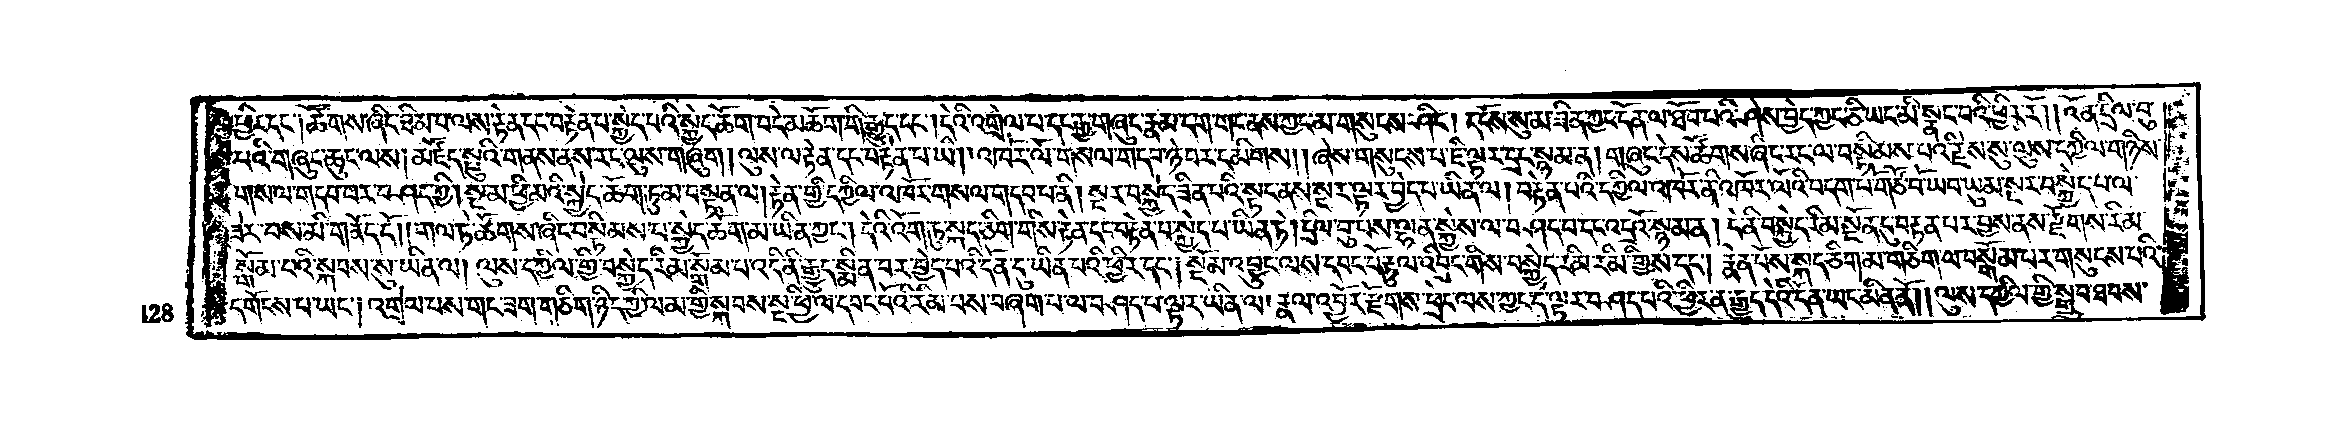ཕྱིར་དང་། ཚོགས་ཞིང་ཐིམ་པ་ལས་རྟེན་དང་བརྟེན་པ་སྐྱེད་པའི་སྐྱེད་ཆོག་བདེ་མཆོག་གི་རྒྱུད་དང་། དེའི་འགྲེལ་པ་དང་རྒྱ་གཞུང་རྣམ་དག་གང་ནས་ཀྱང་མ་གསུངས་ཤིང་། དངོས་སུ་མ་ཟིན་ཀྱང་དོན་ལ་ཐོབ་པའི་ཤེས་བྱེད་ཀྱང་ཅི་ཡང་མི་སྣང་བའི་ཕྱིར་རོ། །འོ་ན་དྲིལ་བུ་
པའི་གཞུང་ཆུང་ལས། མཛོད་སྤུའི་གནས་ནས་རང་ལུས་གཞུག །ལུས་ལ་རྟེན་དང་བརྟེན་པ་ཡི། །འཁོར་ལོ་གསལ་གདབ་ཉེ་བར་དམིགས། །ཞེས་གསུངས་པ་ཇི་ལྟར་དྲང་སྙམ་ན། གཞུང་དེས་ཚོགས་ཞིང་རང་ལ་བསྟིམས་པའི་རྗེས་སུ་ལུས་དཀྱིལ་གཉིས་
གསལ་གདབ་པར་བཤད་ཀྱི། སྔ་མ་ཕྱི་མའི་སྐྱེད་ཆོག་ཏུ་མ་བསྟན་ལ། རྟེན་གྱི་དཀྱིལ་འཁོར་གསལ་གདབ་པ་ནི། སྔར་བསྐྱེད་ཟིན་པའི་སྟེང་ནས་སྔར་ལྟར་བྱེད་པ་ཡིན་ལ། བརྟེན་པའི་དཀྱིལ་འཁོར་ནི་འཁོར་ལོའི་བདག་པོ་གཙོ་བོ་ཡབ་ཡུམ་སྔར་བསྐྱེད་པ་ལ་
ཟེར་བས་མི་གནོད་དོ། །གལ་ཏེ་ཚོགས་ཞིང་བསྟིམས་པ་སྐྱེད་ཆོག་མ་ཡིན་ཀྱང་། དེའི་འོག་ཏུ་སྐད་ཅིག་གིས་རྟེན་དང་བརྟེན་པ་སྐྱེད་པ་ཡིན་ཏེ། དྲིལ་བུ་པས་ལྷན་སྐྱེས་ལ་བཤད་པ་དང་འདྲའོ་སྙམ་ན། དེ་ནི་བསྐྱེད་རིམ་སྔོན་དུ་བརྟན་པར་བྱས་ནས་རྫོགས་རིམ་
སྒོམ་པའི་སྐབས་སུ་ཡིན་ལ། ལུས་དཀྱིལ་གྱི་བསྐྱེད་རིམ་སྒོམ་པ་འདི་ནི་རྒྱུད་སྨིན་པར་བྱེད་པའི་དོན་དུ་ཡིན་པའི་ཕྱིར་དང་། སྡོམ་འབྱུང་ལས་དབང་པོ་རྟུལ་འབྲིང་གིས་བསྐྱེད་རིམ་རིམ་གྱིས་དང་། རྣོན་པོས་སྐད་ཅིག་མ་གཅིག་ལ་བསྒོམ་པར་གསུངས་པའི་
དགོངས་པ་ཡང་། འགྲེལ་པས་གང་ཟག་གཅིག་ཉིད་ཀྱི་ལམ་གྱི་སྐབས་སྔ་ཕྱི་ལ་དབང་པོའི་རིམ་པས་བཞག་པ་ལ་བཤད་པ་ལྟར་ཡིན་ལ། རྣལ་འབྱོར་རྫོགས་ཕྲེང་ལས་ཀྱང་དེ་ལྟར་བཤད་པའི་ཕྱིར་ན་རྒྱུད་དེའི་དོན་ཡང་མིན་ནོ། །ལུས་དཀྱིལ་གྱི་སྒྲུབ་ཐབས་